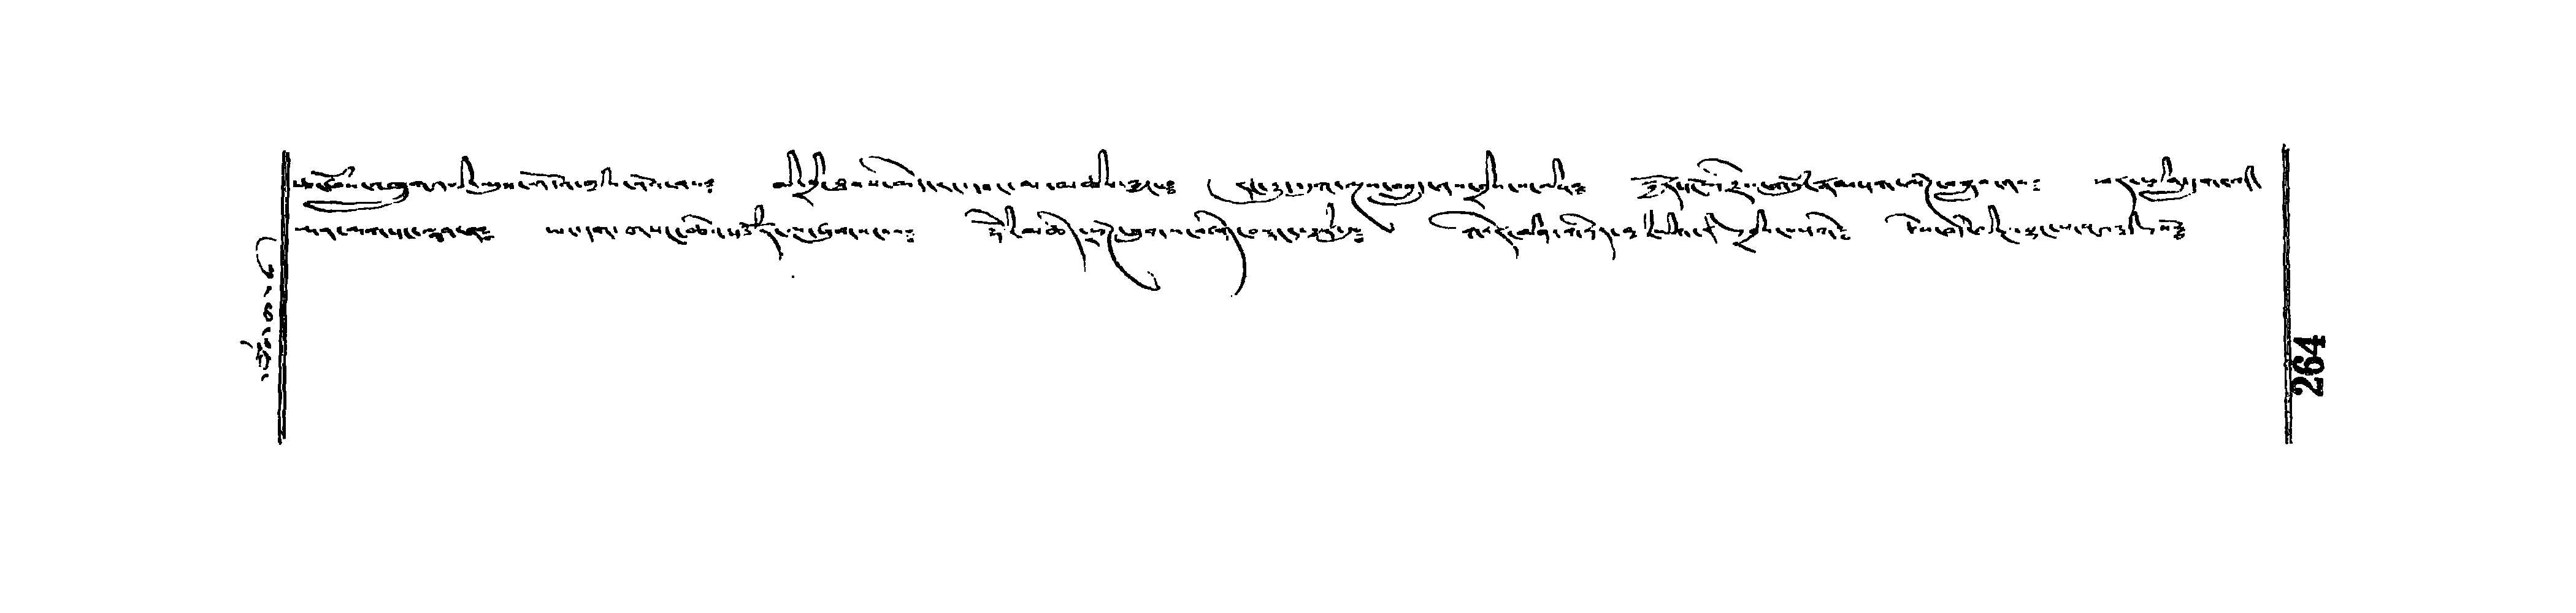།རྩ་ཁམས་འཁྲུགས་པའི་ལུས་གདོན་གྱིས་ནོན་ནས། །མི་བྲི་ཐབས་མེད་རང་དབང་མ་མཆིས་ཀྱང་། །རང་རྒྱུད་དུག་ལྔས་བསླད་ནས་བྲིས་པ་མིན། །སྦྱོར་དངོས་རྗེས་གསུམ་རྣམ་དག་ལེགས་བསྒྲུབས་ནས། །ཕར་ཕྱིན་དྲུག་གི་
ཡན་ལག་དང་ལྡན་ཅིང་། །ཡང་དག་གསང་ཆེན་དཀྱིལ་འཁོར་ལ་ཞུགས་པས། །རྡོ་རྗེའི་མཆེད་གྲོགས་ཐུགས་བཞེད་སྐོང་ཕྱིར་དུ། །གཏེར་མིན་གཏེར་གྱི་ཡིག་རིས་བྲིས་པ་དགེ །ཞེས་བདེ་བའི་འབྱུང་གནས་ཀྱིས་སོ།།